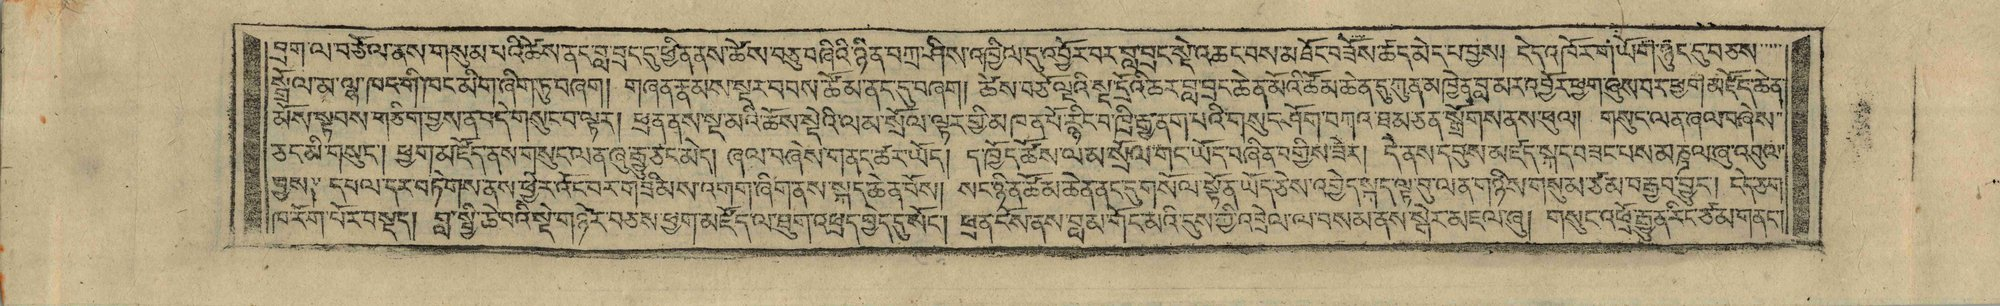བྲག་ལ་བཅོལ་ནས་གསུམ་པའི་ཚེས་ནང་བླ་བྲང་དུ་ཕྱིན་ནས་ཚེས་བཅུ་བཞིའི་ཉིན་བཀྲ་ཤིས་འཁྱིལ་དུ་འབྱོར་བར་བླ་བྲང་སྡེ་འཆང་བས་མཐོང་བཟོས་ཚད་མེད་པ་བྱས། ངེད་འཁོར་གཡོག་ཉུང་དུ་བཅས་
སྒྲོལ་མ་ལྷ་ཁང་གི་ཁང་མིག་ཞིག་ཏུ་བཞག །གཞན་རྣམས་སྔར་བབས་ཚོམ་ནང་དུ་བཞག །ཚེས་བཅོ་ལྔའི་སྔ་དྲོའི་ཆར་བླ་བྲང་ཆེན་མོའི་ཚོམ་ཆེན་དུ་ཀུན་མཁྱེན་བླ་མར་འབྱོར་ཕྱག་ཞུས་པར་ཕྱག་མཛོད་ཆེན་
མོས་སྟབས་གཅིག་བྱས་ན་བདེ་གསུང་བ་ལྟར། ཕྲན་ནས་སྔ་མའི་ཆོས་སྡེའི་ལམ་སྲོལ་ལྟར་གྱི་མཁན་པོ་རྙིང་བ་ཁྲི་རྒྱ་ནག་པའི་གསུང་ཤོག་བཀའ་ཐམ་ཅན་སྒྲོགས་ནས་ཕུལ། གསུང་ལན་ཞལ་བཞེས་
ཅང་མི་གསུང་། ཕྱག་མཛོད་ནས་གསུང་ལན་ཞུ་རྒྱུ་ཅང་མེད། ཞལ་བཞེས་གནང་ཚར་ཡོད། ད་ཁྱོད་ཚོས་ལམ་སྲོལ་གང་ཡོད་བཞིན་བགྱིས་ཟེར། དེ་ནས་དབུས་མཛད་སྐད་བཟང་པས་མཎྜལ་ཞུ་འབུལ་
བྱས༑ དཔལ་དར་བཏེགས་ནས་ཕྱིར་འོང་བར་གཟིམས་འགག་ཞིག་ནས་སྐད་ཆེན་པོས། སང་ཉིན་ཚོམ་ཆེན་ནང་དུ་གསོལ་སྟོན་ཡོད་ཅེས་འགྱེད་སྐད་ལྟ་བུ་ལན་གཉིས་གསུམ་ཙམ་བརྒྱབ་བྱུང་། ངེད་ཅག་
ཁ་རོག་པོར་བསྡད། བླ་སྤྱི་ཆེ་བའི་སྡེ་གཉེར་བཅས་ཕྱག་མཛོད་ལ་ཐུག་འཕྲད་བྱེད་དུ་སོང་། ཕྲན་ངོས་ནས་བླ་མ་གོང་མའི་དུས་ཀྱི་འབྲེལ་ལ་བསམ་ནས་སྒེར་མཇལ་ཞུ། གསུང་འཕྲོ་རྒྱུན་རིང་ཙམ་གནང་།